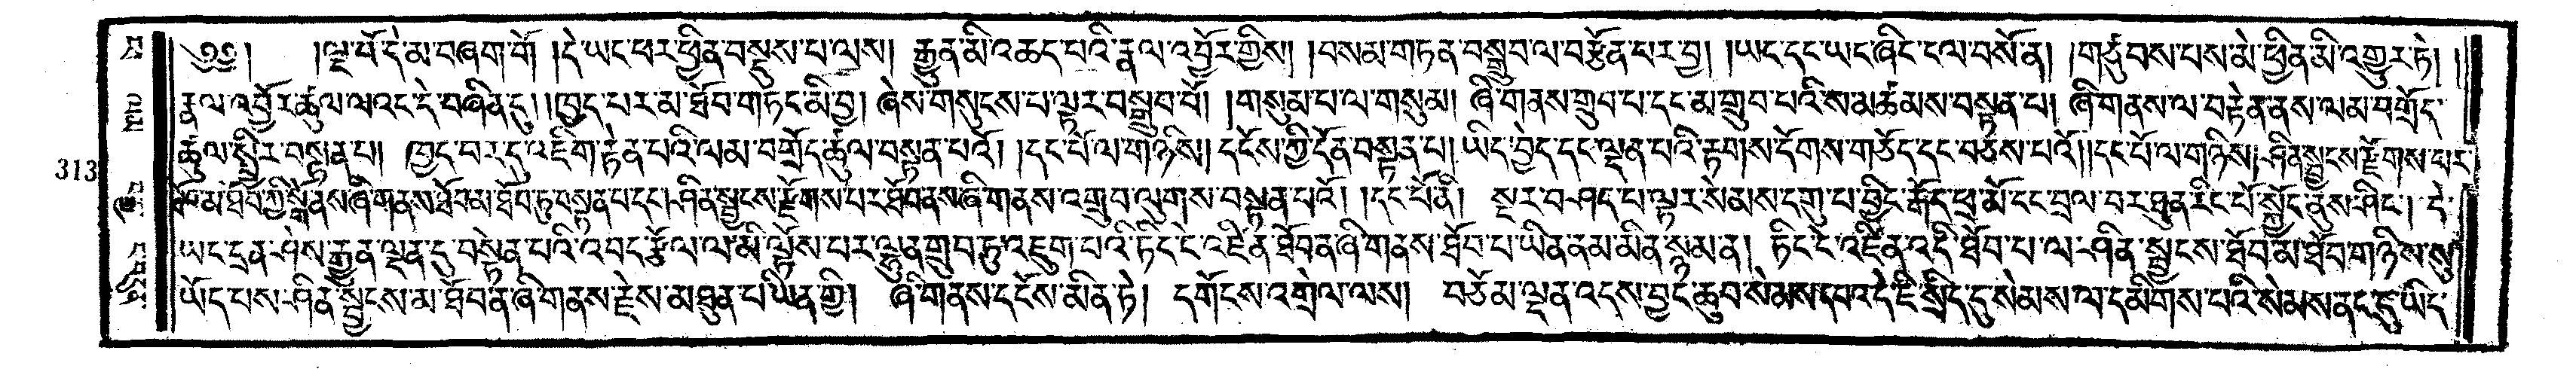༄༅། །ལྔ་པོ་དེ་མ་བཞག་གོ། །དེ་ཡང་ཕར་ཕྱིན་བསྡུས་པ་ལས། རྒྱུན་མི་འཆད་པའི་རྣལ་འབྱོར་གྱིས། །བསམ་གཏན་བསྒྲུབ་ལ་བརྩོན་པར་བྱ། །ཡང་དང་ཡང་ཞིང་ངལ་བསོ་ན། །གཙུབས་པས་མི་ཕྱིན་མི་འགྱུར་ཏེ། །
རྣལ་འབྱོར་ཚུལ་ལའང་དེ་བཞིན་དུ། །ཁྱད་པར་མ་ཐོབ་གཏང་མི་བྱ། ཞེས་གསུངས་པ་ལྟར་བསྒྲུབ་བོ། །གསུམ་པ་ལ་གསུམ། ཞི་གནས་གྲུབ་པ་དང་མ་གྲུབ་པའི་ས་མཚམས་བསྟན་པ། ཞི་གནས་ལ་བརྟེན་ནས་ལམ་བགྲོད་
ཚུལ་སྦྱིར་བསྟན་པ། ཁྱད་པར་དུ་འཇིག་རྟེན་པའི་ལམ་བགྲོད་ཚུལ་བསྟན་པའོ། །དང་པོ་ལ་གཉིས། དངོས་ཀྱི་དོན་བསྟན་པ། ཡིད་བྱེད་དང་ལྡན་པའི་རྟགས་དོགས་གཅོད་པ་དང་བཅས་པའོ། །དང་པོ་ལ་གཉིས། ཤིན་སྦྱངས་རྫོགས་པར་
ཐོབ་མ་ཐོབ་ཀྱི་སྒོ་ནས་ཞི་གནས་ཐོབ་མ་ཐོབ་ཏུ་བསྟན་པ་དང་། ཤིན་སྦྱངས་རྫོས་པར་ཐོབ་ནས་ཞི་གནས་འགྲུབ་ལུགས་བསྟན་པའོ། དང་པོ་ནི། སྔར་བཤད་པ་ལྟར་སེམས་དགུ་པ་བྱིང་རྒོད་ཕར་མོ་དང་བྲལ་བར་ཐུན་རིང་པོ་སྐྱོང་ནུས་ཤིང་། དེ་
ཡང་དྲན་ཤེས་རྒྱུན་ལྡན་དུ་བསྟེན་པའི་འབད་རྩོལ་ལ་མི་ལྟོས་པར་ལྷུ་གྲུབ་ཏུ་འཇུག་པའི་ཏིང་ངེ་འཛིན་ཐོབ་ན་ཞི་གནས་ཐོབ་པ་ཡིན་ནམ་མིན་སྙམ་ན། ཏིང་ངེ་འཛིན་འདི་ཐོབ་པ་ལ་ཤིན་སྦྱངས་ཐོབ་མ་ཐོབ་གཉིས་སུ་
ཡོད་པས་ཤིན་སྦྱངས་མ་ཐོབ་ན་ཞི་གནས་རྗེས་མཐུན་པ་ཡིན་གྱི། ཞི་གནས་དངོས་མིན་ཏེ། དགོངས་འགྲེལ་ལས། བཅོམ་ལྡན་འདས་བྱང་ཆུབ་སེམས་དཔའ་དེ་ཇི་སྲིད་དུ་སེམས་ལ་དམིགས་པའི་སེམས་ནང་དུ་ཡིད་